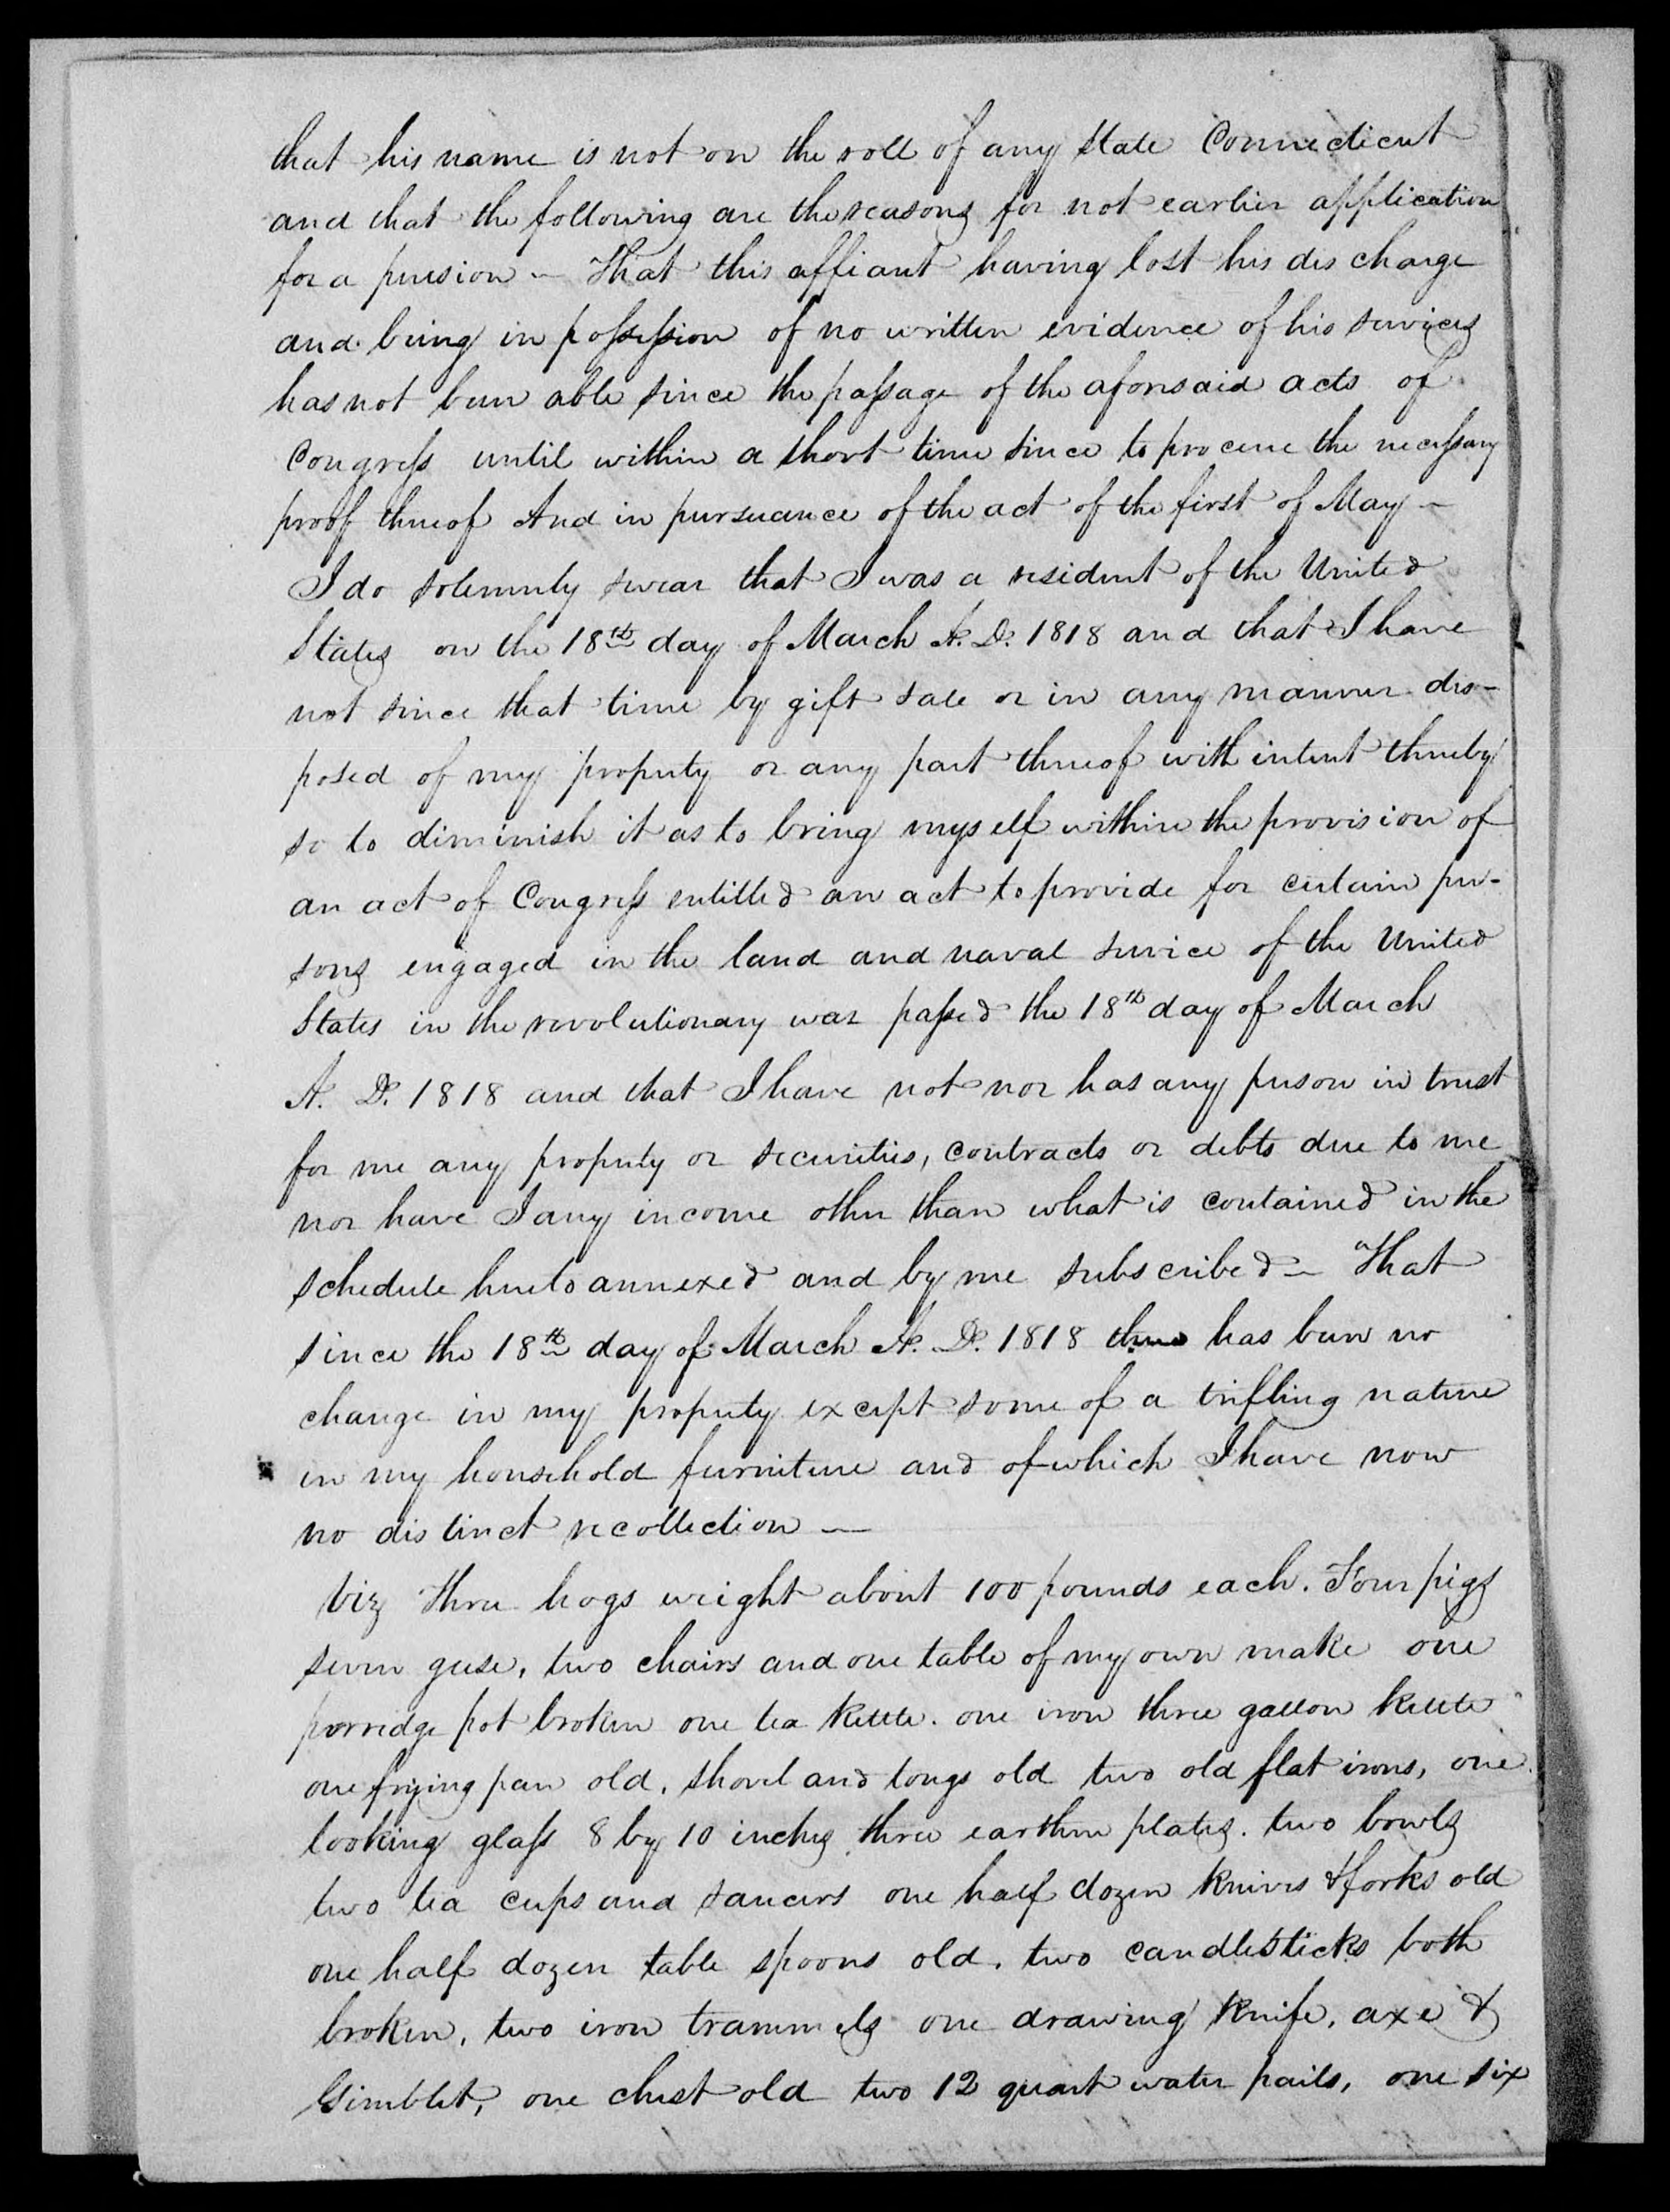that his name is not on the roll of any State Connecticut and that the following are the reasons for not earlier application for a pension. That this affiant having lost his dis charge and being in possession of no written evidence of his services has not been able since the passage of the aforesaid acts of Congress until within a short time since to procure the necessary proof thereof And in pursuance of the act of the first of May I do solemnly swear that I was a resident of the United States on the 18th day of March A.D. 1818 and that I have not since that time by gift sale or in any manner disposed of my property or any part thereof with intent thereby so to diminish it as to bring myself within the provision of an act of Congress entitled an act to provide for certain persons engaged in the land and naval service of the United States in the revolutionary war passed the 18th day of March A.D. 1818 and that I have not nor has any person in trust for me any property or securities, contracts or debts due to me nor have I any income other than what is contained in the schedule hereto annexed and by me subscribed.  That since the 18th day of March A.D. 1818 there has been no change in my property except some of a triffling nature in my household furniture and of which I have now no distinct recollection.
  Viz three hogs weight about 100 pounds each. Four pigs, seven geese, two chairs and one table of my own make one porridge pot broken one tea kettle one iron three gallon kettle one frying pan old, shovel and tongs old two old flat irons, one looking glass 8 by 10 inches three earthen plates two bowls two teacups and saucers one half dozen knives and forks old one half dozen table spoons old two candlesticks both broken, two iron trammels one drawing knife, axe and gimblet, one chest old two 12 quart water pails, one six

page: 3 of 20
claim: rejected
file: R. 17029, for Joseph Percy, Connecticut